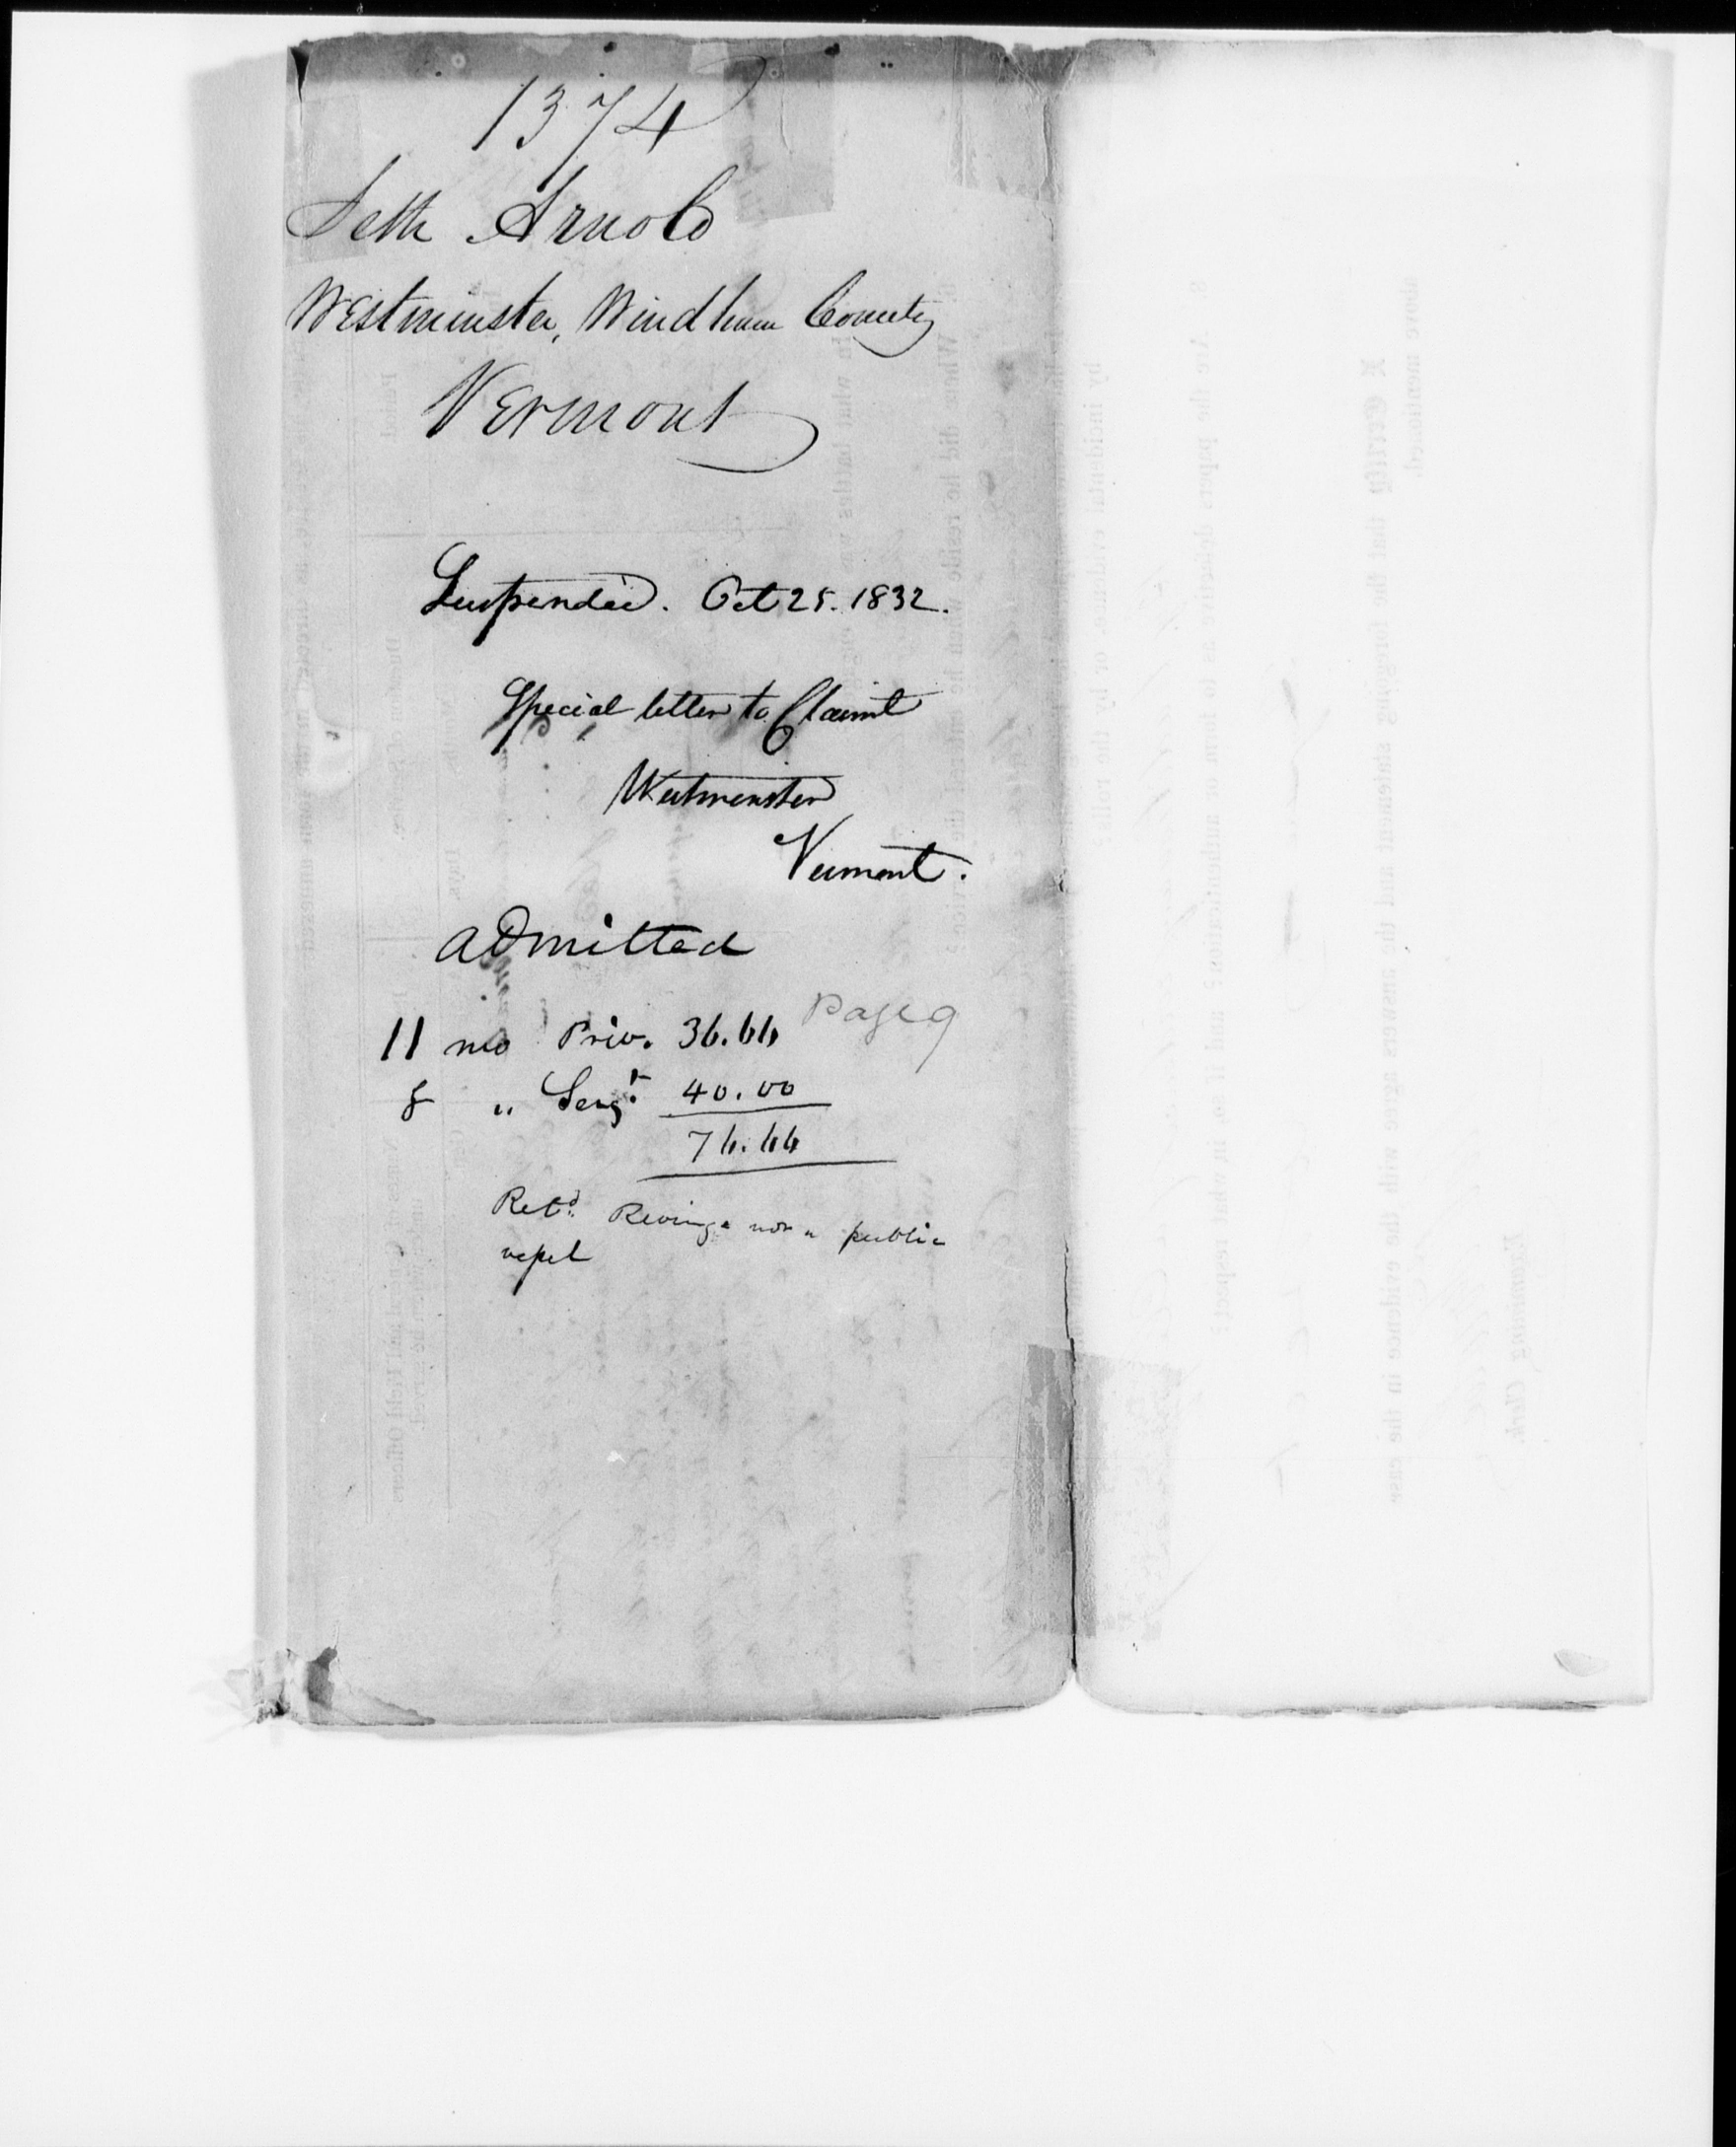1374
Seth Arnold
Westminster Windham County
Vermont

Suspended Oct 25 1832

Special letter to Claimant
Westminster Vermo

Admitted
Page 9

11 mo Priv   36.66
  8  "    Sergt 40.00
76.66
Retd Reciving a non public repel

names: Seth Arnold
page: 6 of 9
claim: survivor's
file: S. 18690, Seth Arnold, Conn. Privateer